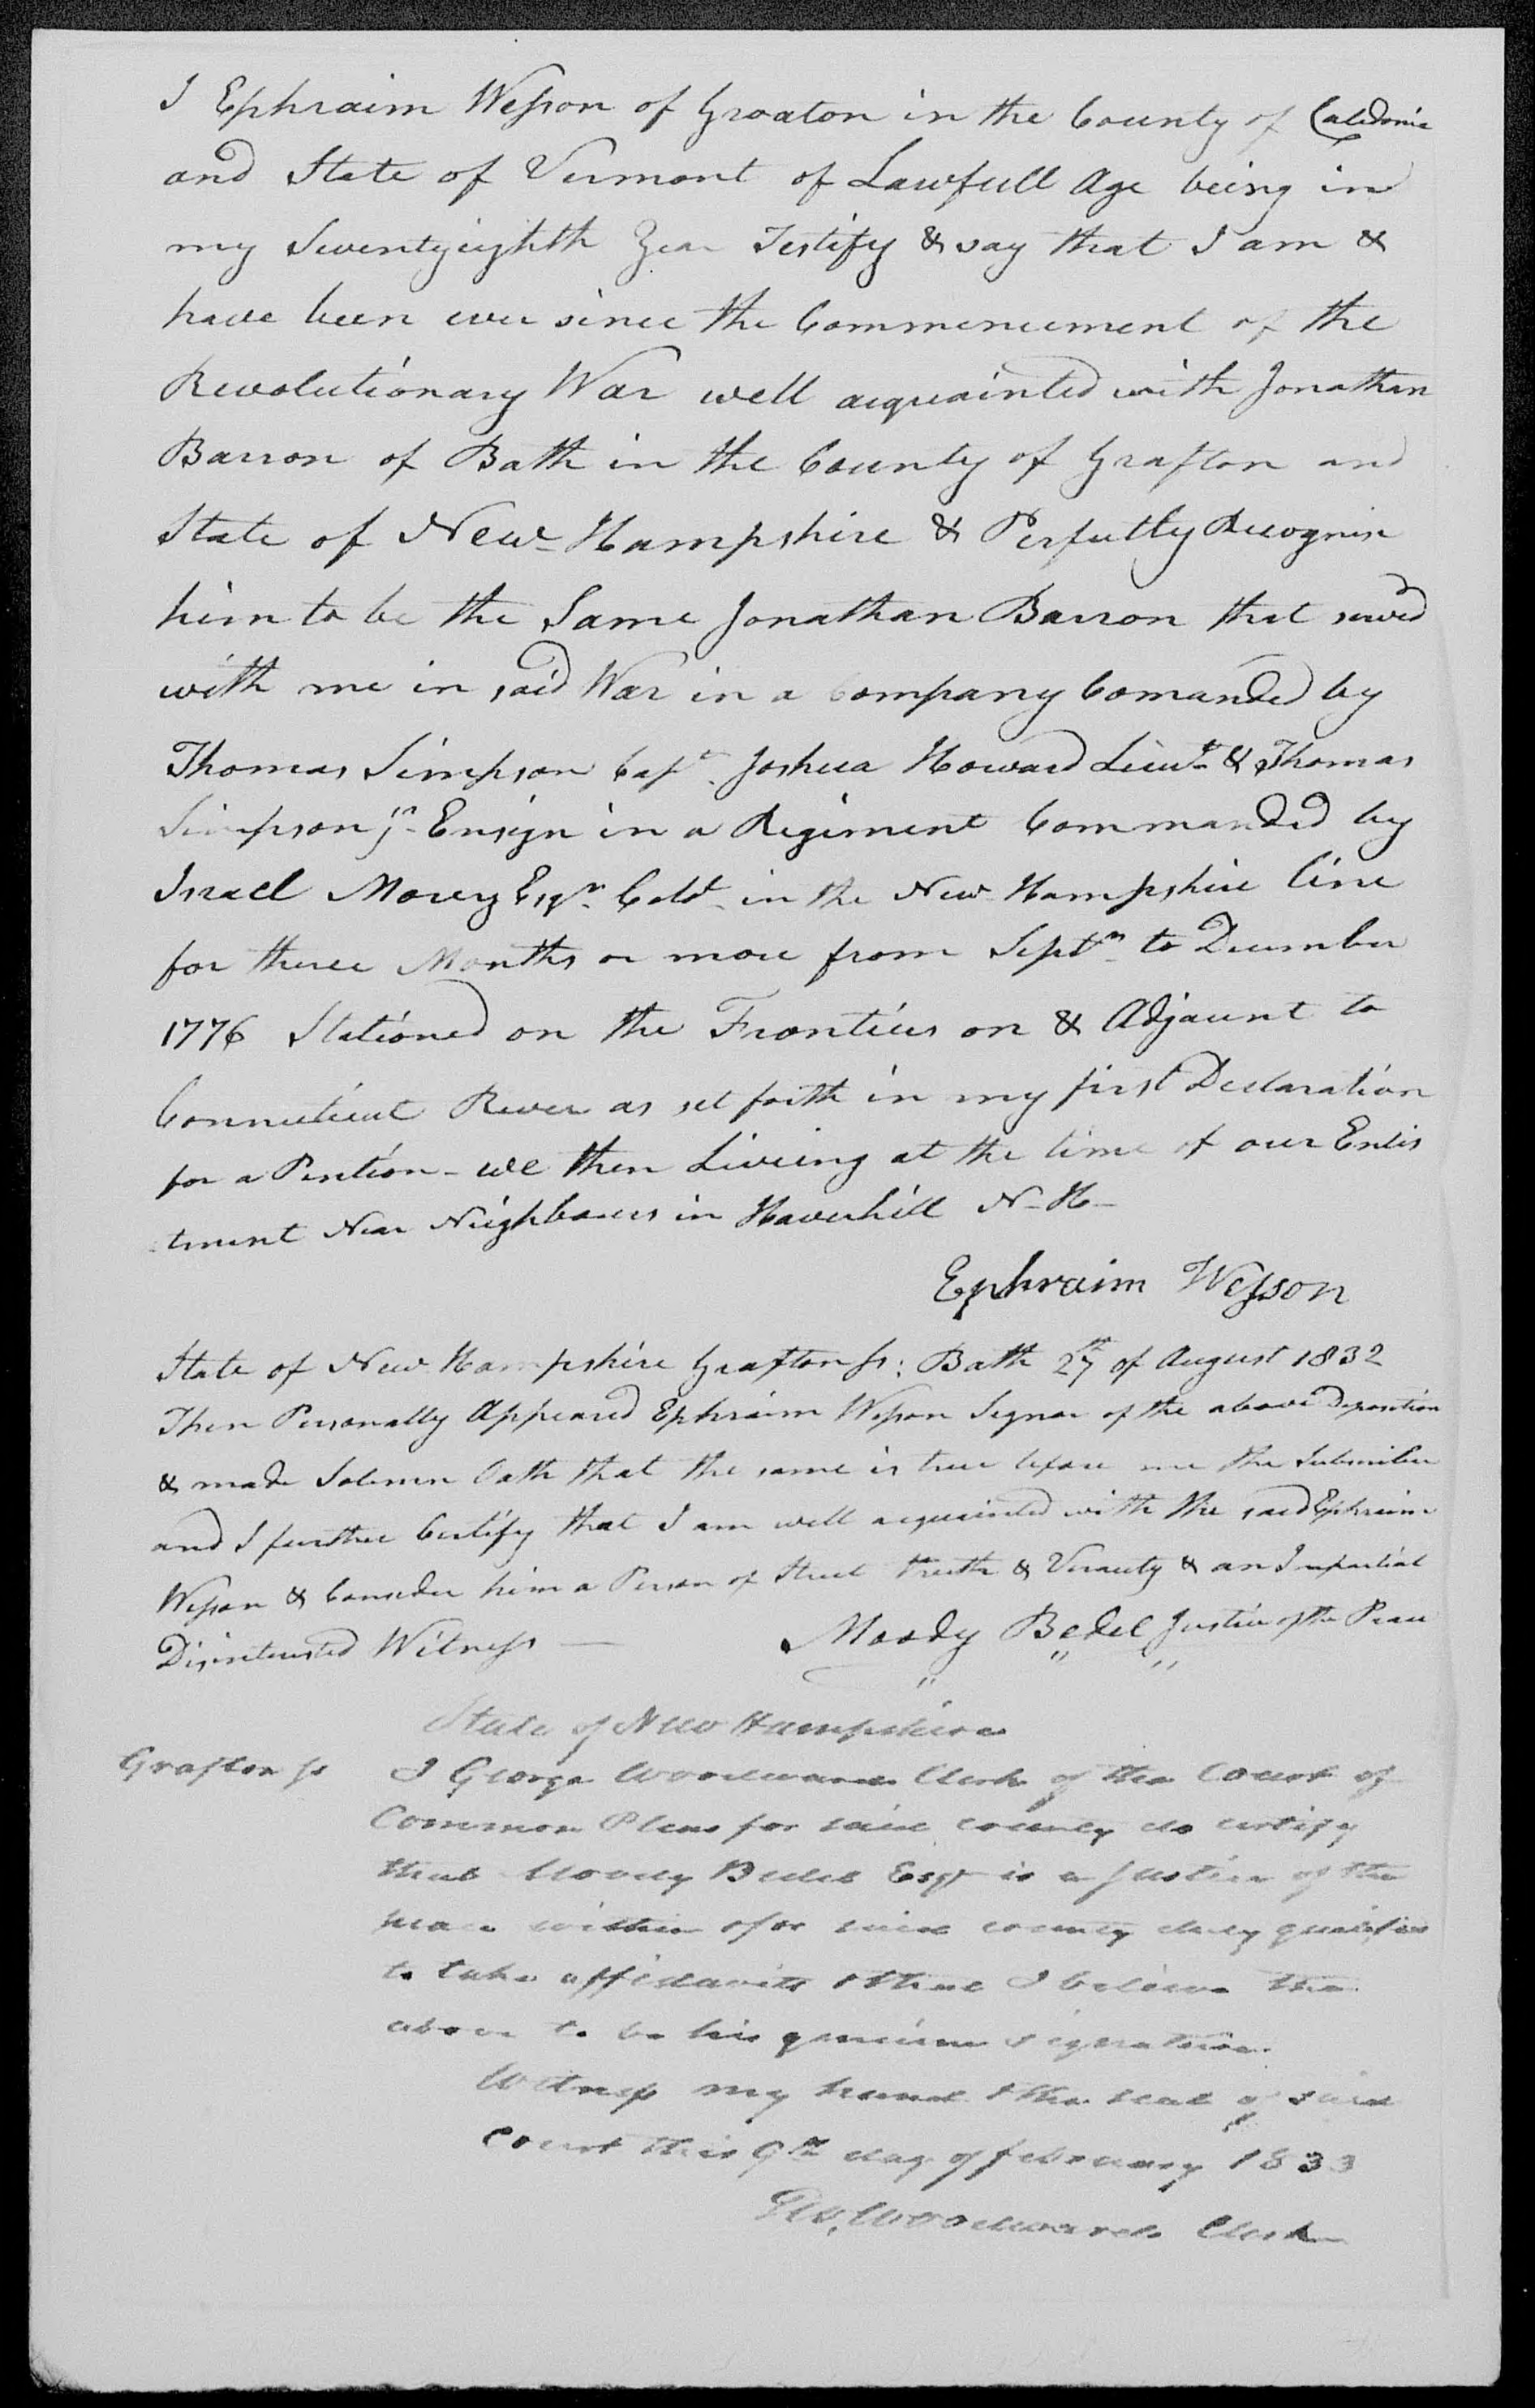I Ephraim Wesson of Groaton (Groton) in the County of Caledonia and State of Vermont of Lawfull age being in my Seventy eighth year Testify & say that I am & have been ever since the commencement of the Revolutionary War well acquainted with Jonathan Barron of Bath in the County of Grafton and State of New Hampshire & Perfectly Recognise hi to be the Same Jonathan Barron that served with me in said War in a company comanded by Thomas Simpson Capt Joshua Howard Lieu't & thomas Simpson j'r Ensign in a Regiment Commanded by Israel Morey Esq'r Col'l in the New Hampshire line for three Months or more from Sept'r to December 1776 Stationed on the Frontier on & Adjacent to Connecticut River as set forth in my first Declaration for a Pention - we then Liveing at the time of our Enlistment Near Neighbours in Haverhill N.H. 
/s/Ephraim Wesson
State of New Hampshire Grafton ss: Bath 27th of August 1832 
Then Personally Appeared Ephraim Wesson Signer of the above Deposition & made Solemn Oath that the same is true before me the Subscriber and I further Certify that I am well acquainted with the said Ephraim Wesson & consider him a Person of Strict truth & Veracity & an Impartial Disinterested Witness - 
/s/Moody Bedel Justice of the Peace
State of New Hampshire
Grafton ss. I George Woodward Clerk of the Court of Common Pleas for said county do certify that Moody Bedel Esqr is a Justice of the peace within & for said county duly qualified to take affidavits & that I believe the above to be his genuine signature.
[court seal affixed] Witness my hand & the seal of said court this 9th day of february 1833
/s/Geo. Woodward Clerk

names: Moody Bedel, George Woodward, Joshua Howard, Thomas Simpson, Ephraim Wesson, Moody Bedel, Jonathan Barron, Ephraim Wesson, Ephraim Wesson, Thomas Simpson, Ephraim Wesson, Geo Woodward, Israel Morey, Jonathan Barron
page: 16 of 25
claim: survivor's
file: S. 28986, Jonathan Barron, N.H.